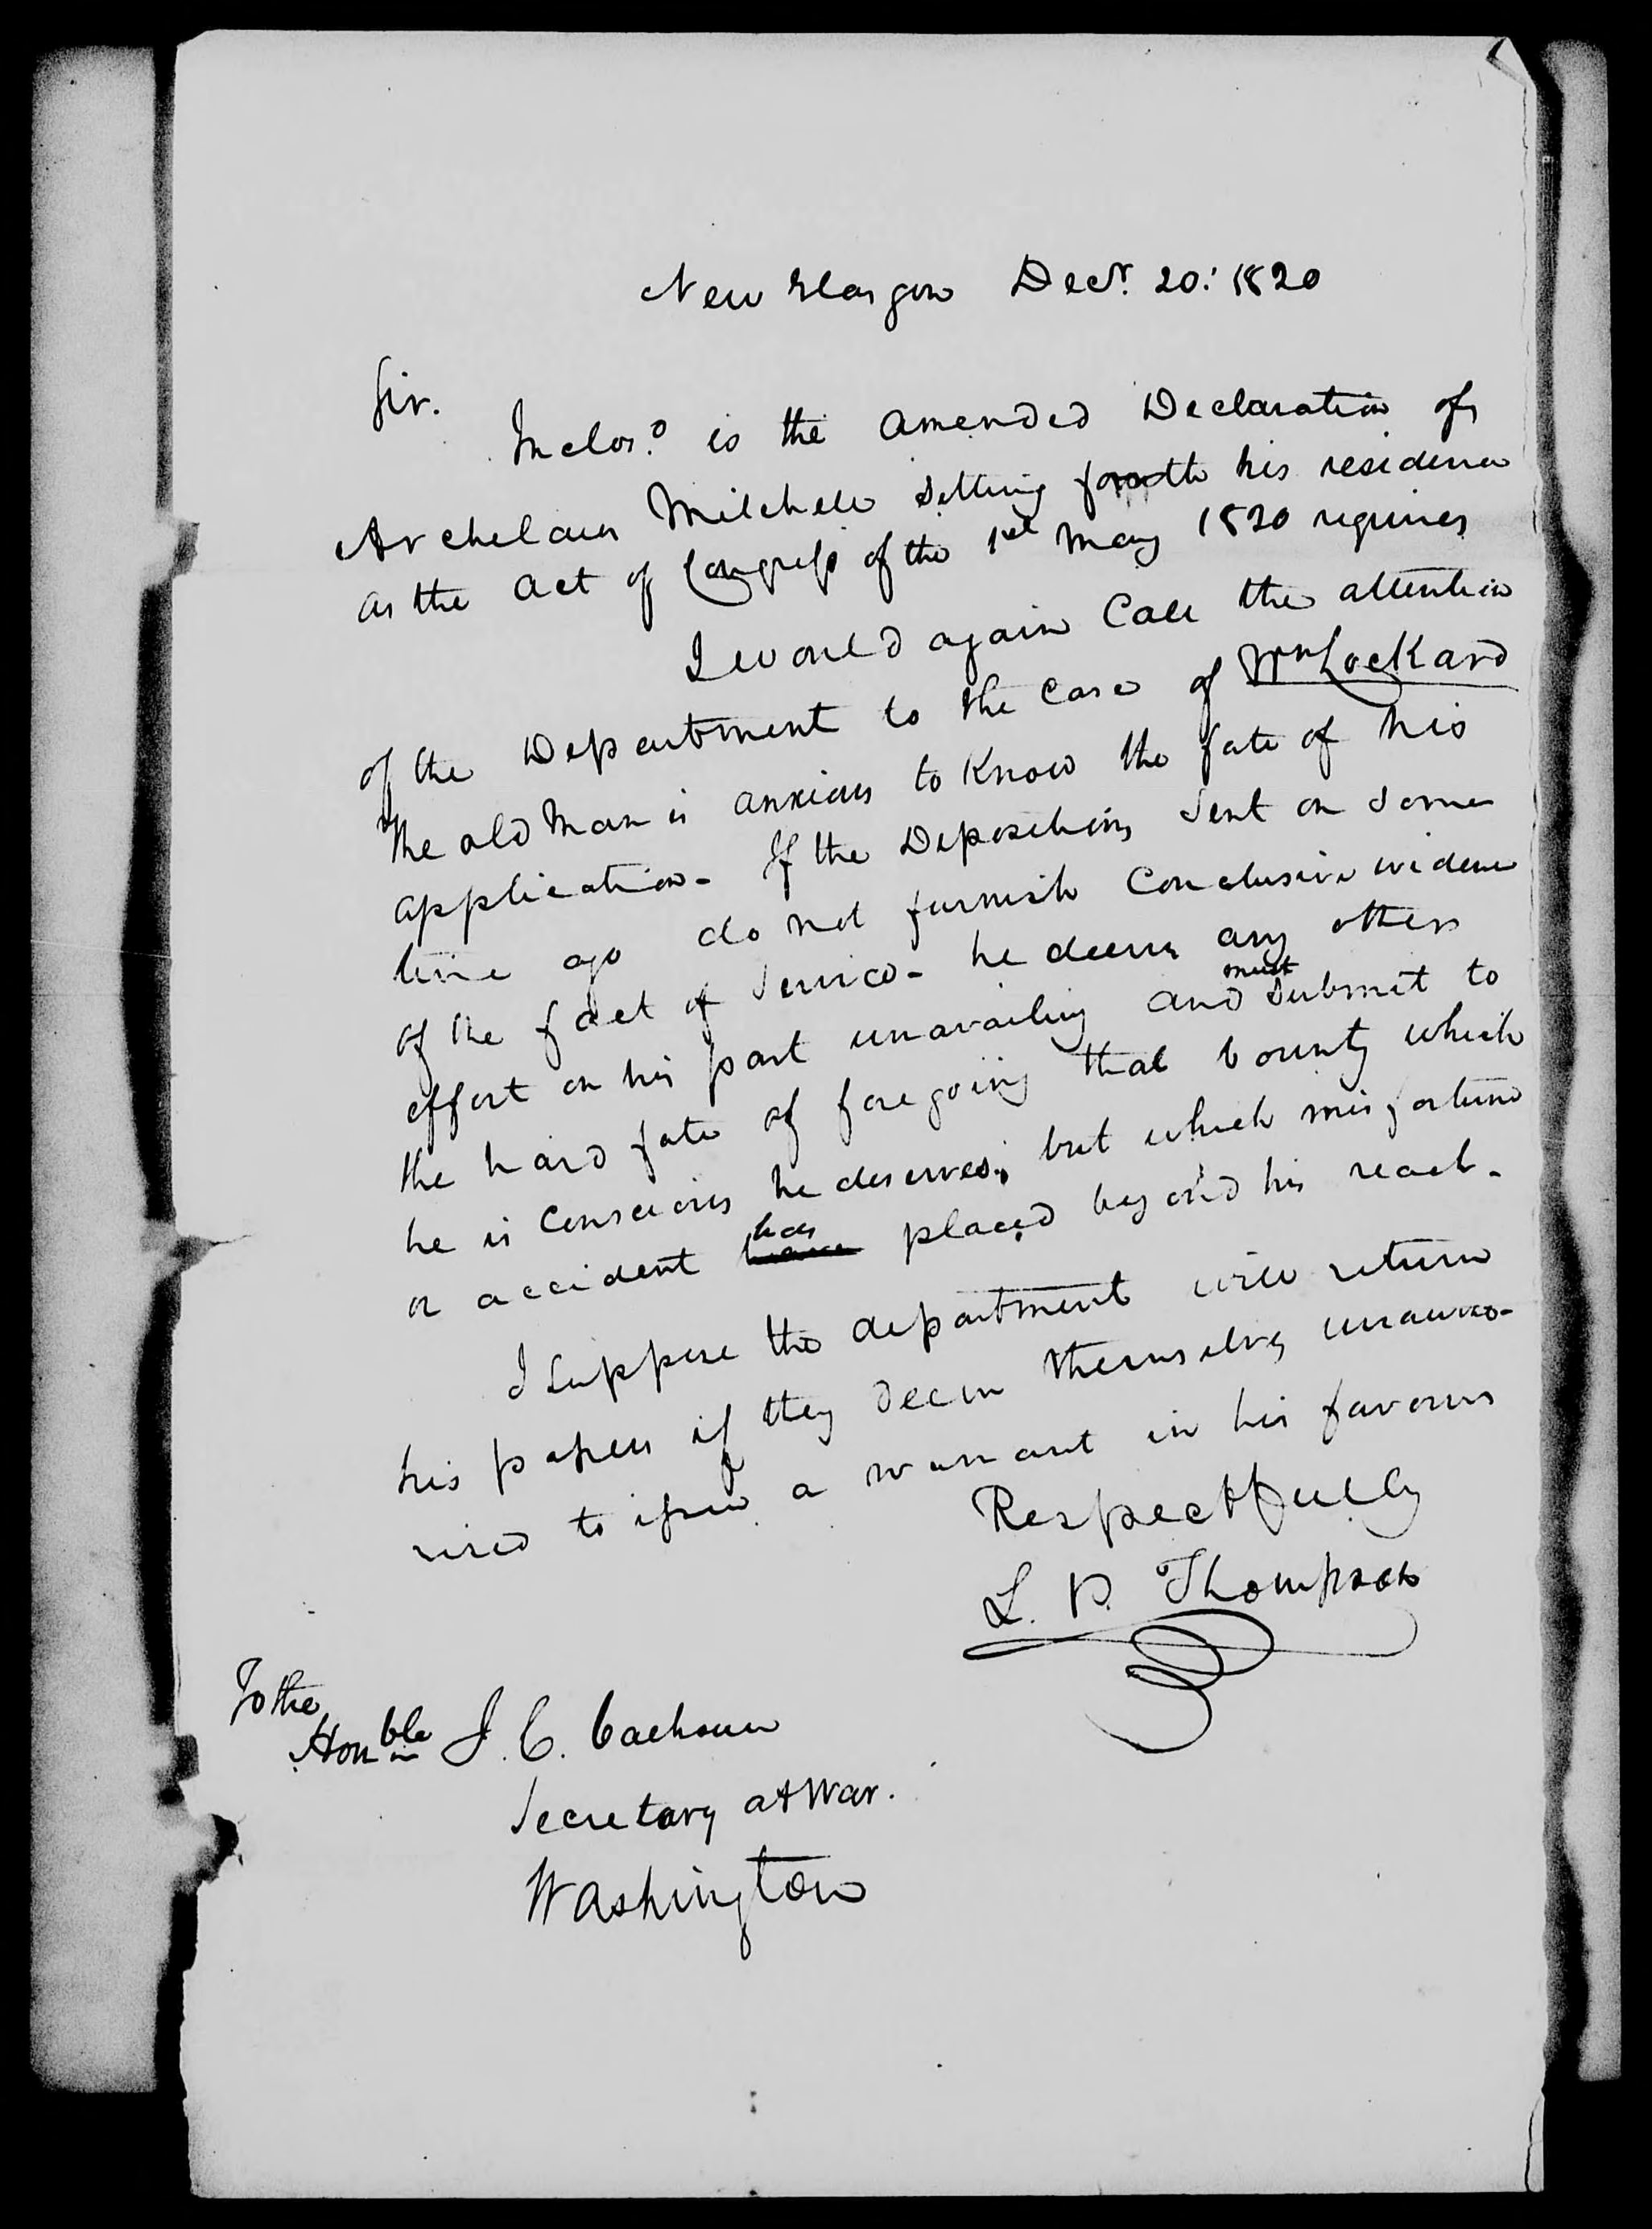New Glasgow Decʳ 20: 1820

Sir.

Inclosᵈ(sic) is the amended Declaration of Archelaus Mitchell setting forth his residence as the act of Congress of the 1ˢᵗ  May 1820 requires

I would again call the attention of the Department to the case of Wm Lockard The old man is anxious to know the fate of his application. If the Depositions sent on some time ago do not furnish conclusive evidence of the fact of service_ he deems any other effort on his part unavailing and must submit to the hard fate of foregoing that bounty which he is conscious he deserves, but which misfortune or accident has placed beyond his reach.

I suppose the department will return his papers if they deem themselves [illegible] to issue a warrant in his favour

Respectfully
L. P. Thompson [signature]

To the
Honble J. C. Calhoun
Secretary at War
Washington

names: Archelaus Mitchell; Wm Lockard; J C Calhoun; L P Thompson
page: 20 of 23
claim: survivor's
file: S. 38226, for Archelaus Mitchell, Virginia